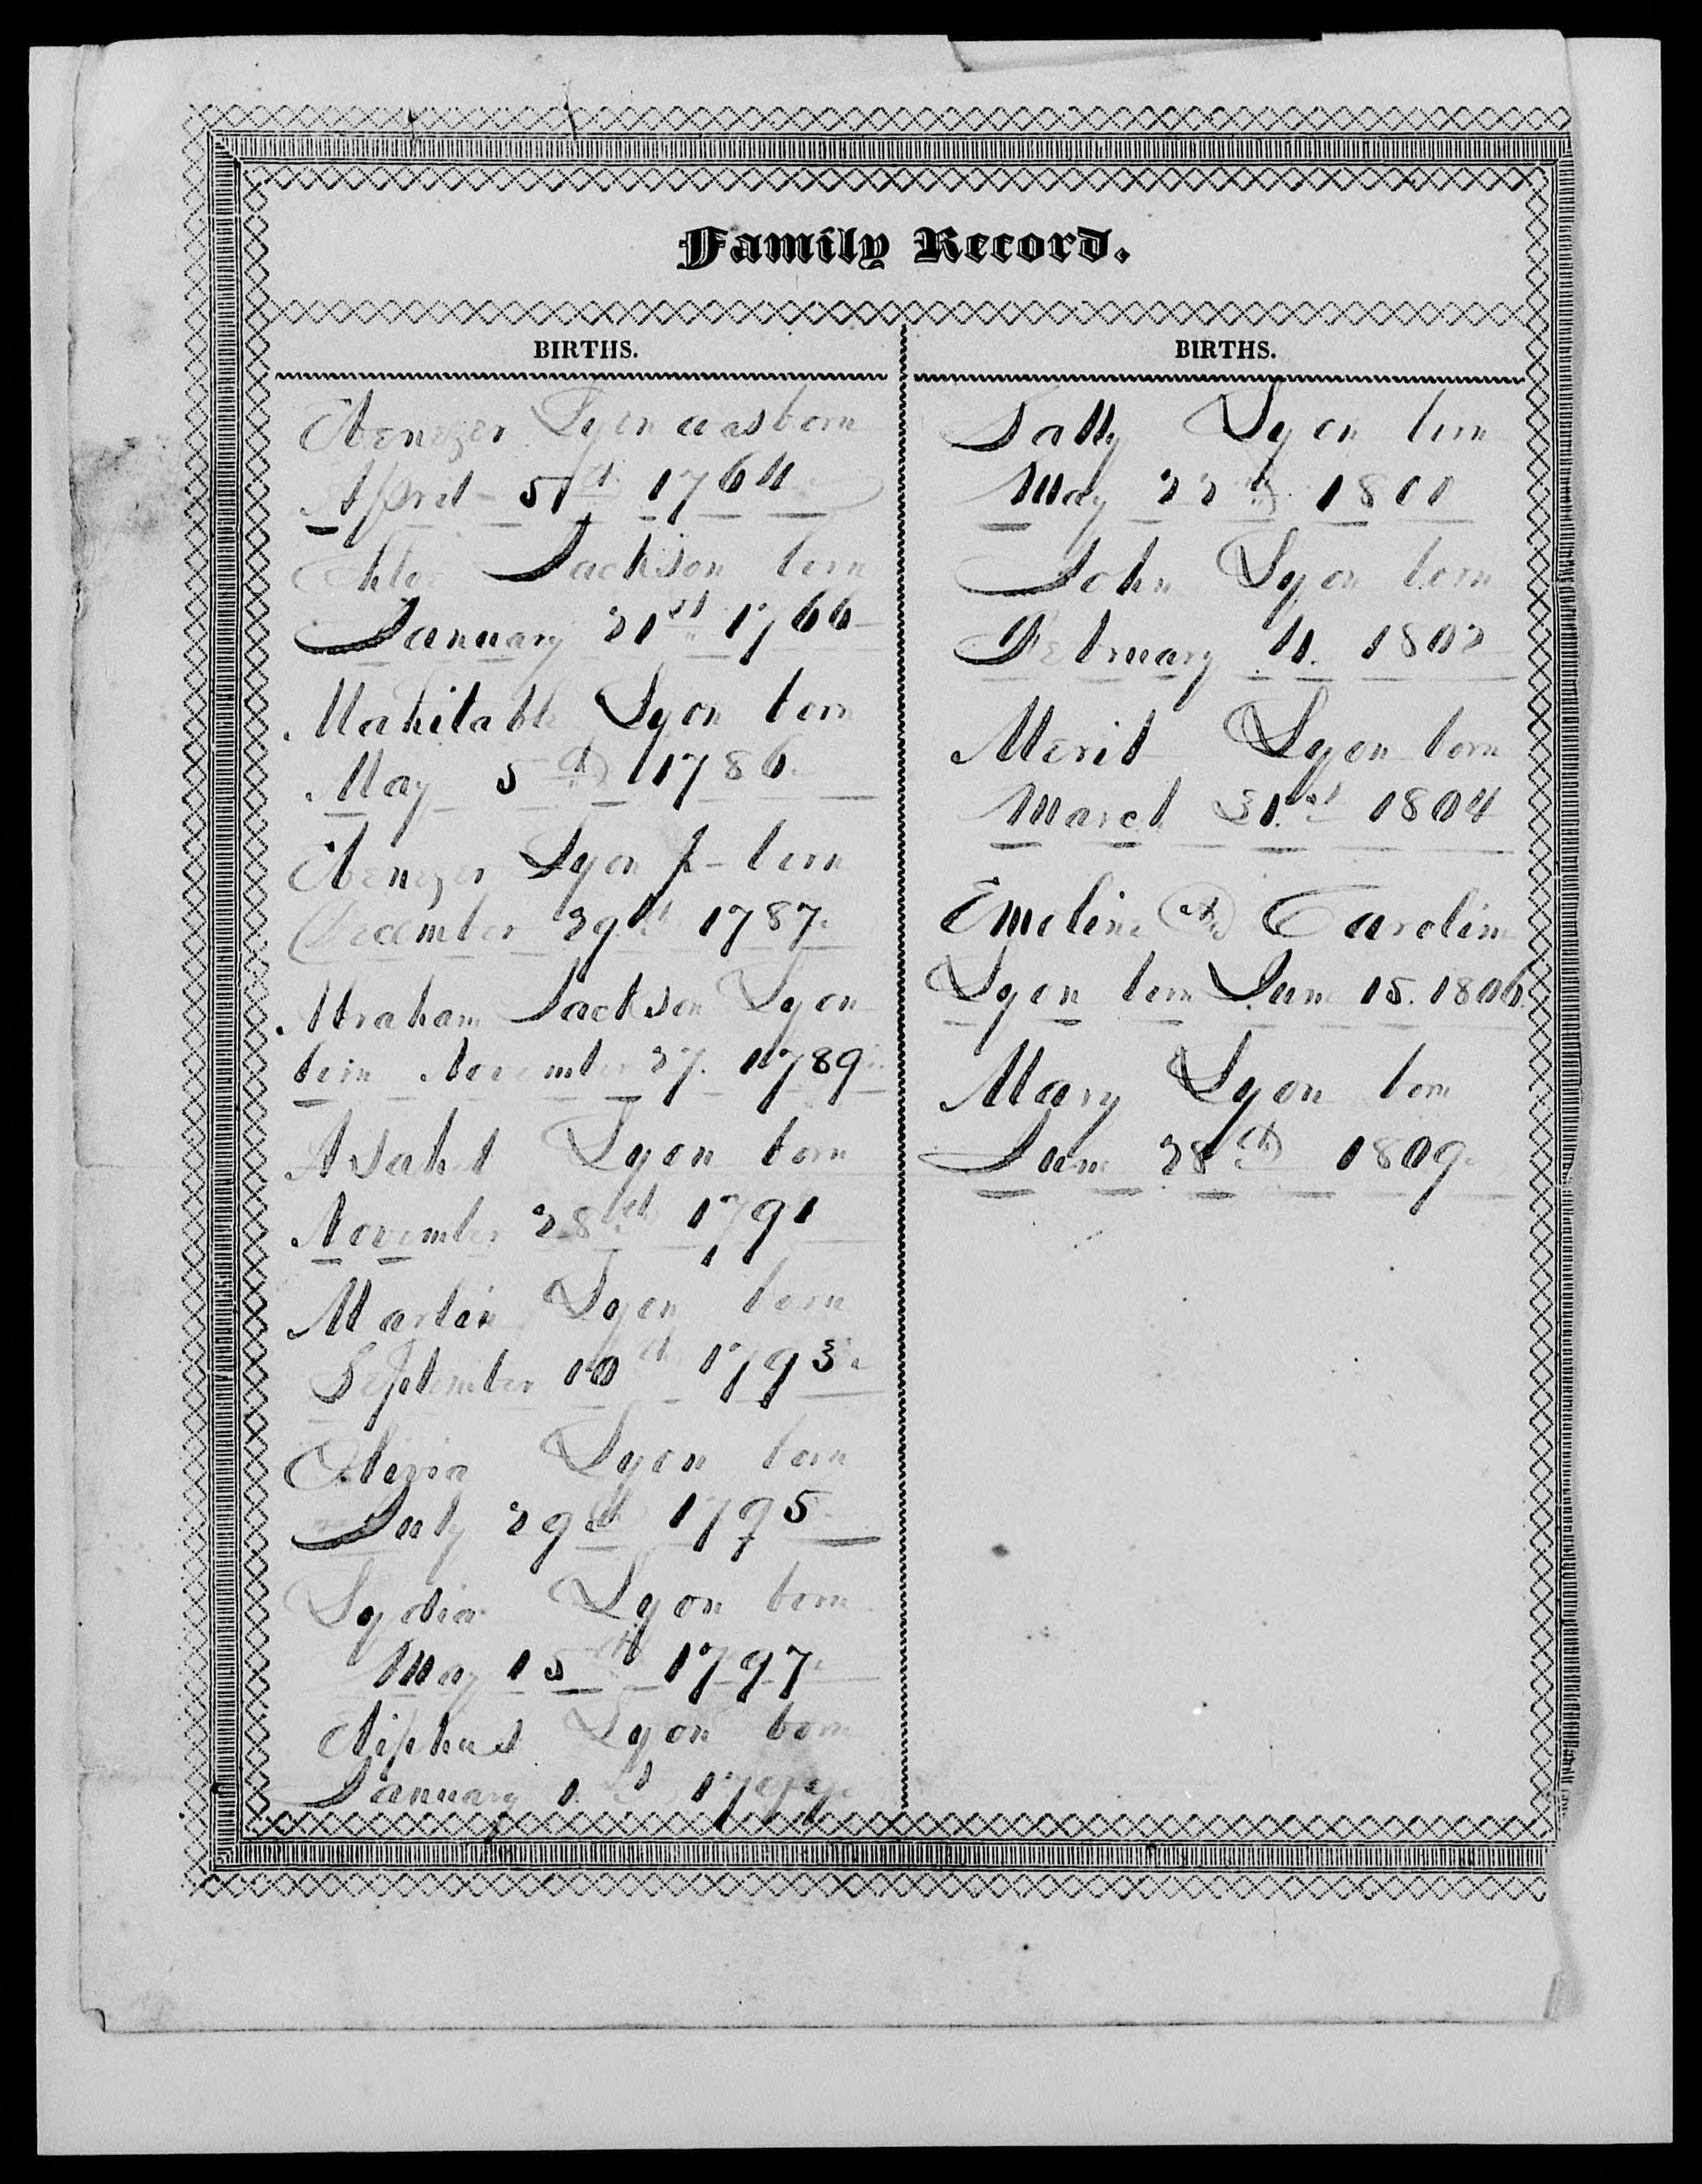Family Record.
BIRTHS.
Ebenezer Lyon was born April 5th 1764
Chloe Jackson born January 21st 1766
Mahitable Lyon born May 5th 1786
Ebenezer Lyon Jr born December 29th 1787.
Abraham Jackson Lyon born November 27. 1789
Asahel Lyon born November 28th 1791
Marlin Lyon born September 10th 1793
Olivia Lyon born July 29th 1795
Lydia Lyon born May 15th 1797
Eliphas Lyon born January 1st 1799
BIRTHS.
Sally Lyon born May 22nd 1800
John Lyon born February 11. 1802
Meril Lyon born March 31st 1804
Emiline And Carolin Lyon born Jun 15. 1806
Mary Lyon born June 28th 1809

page: 4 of 40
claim: widow's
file: W. 24,615, for Ebenezer Lyon, Connecticut